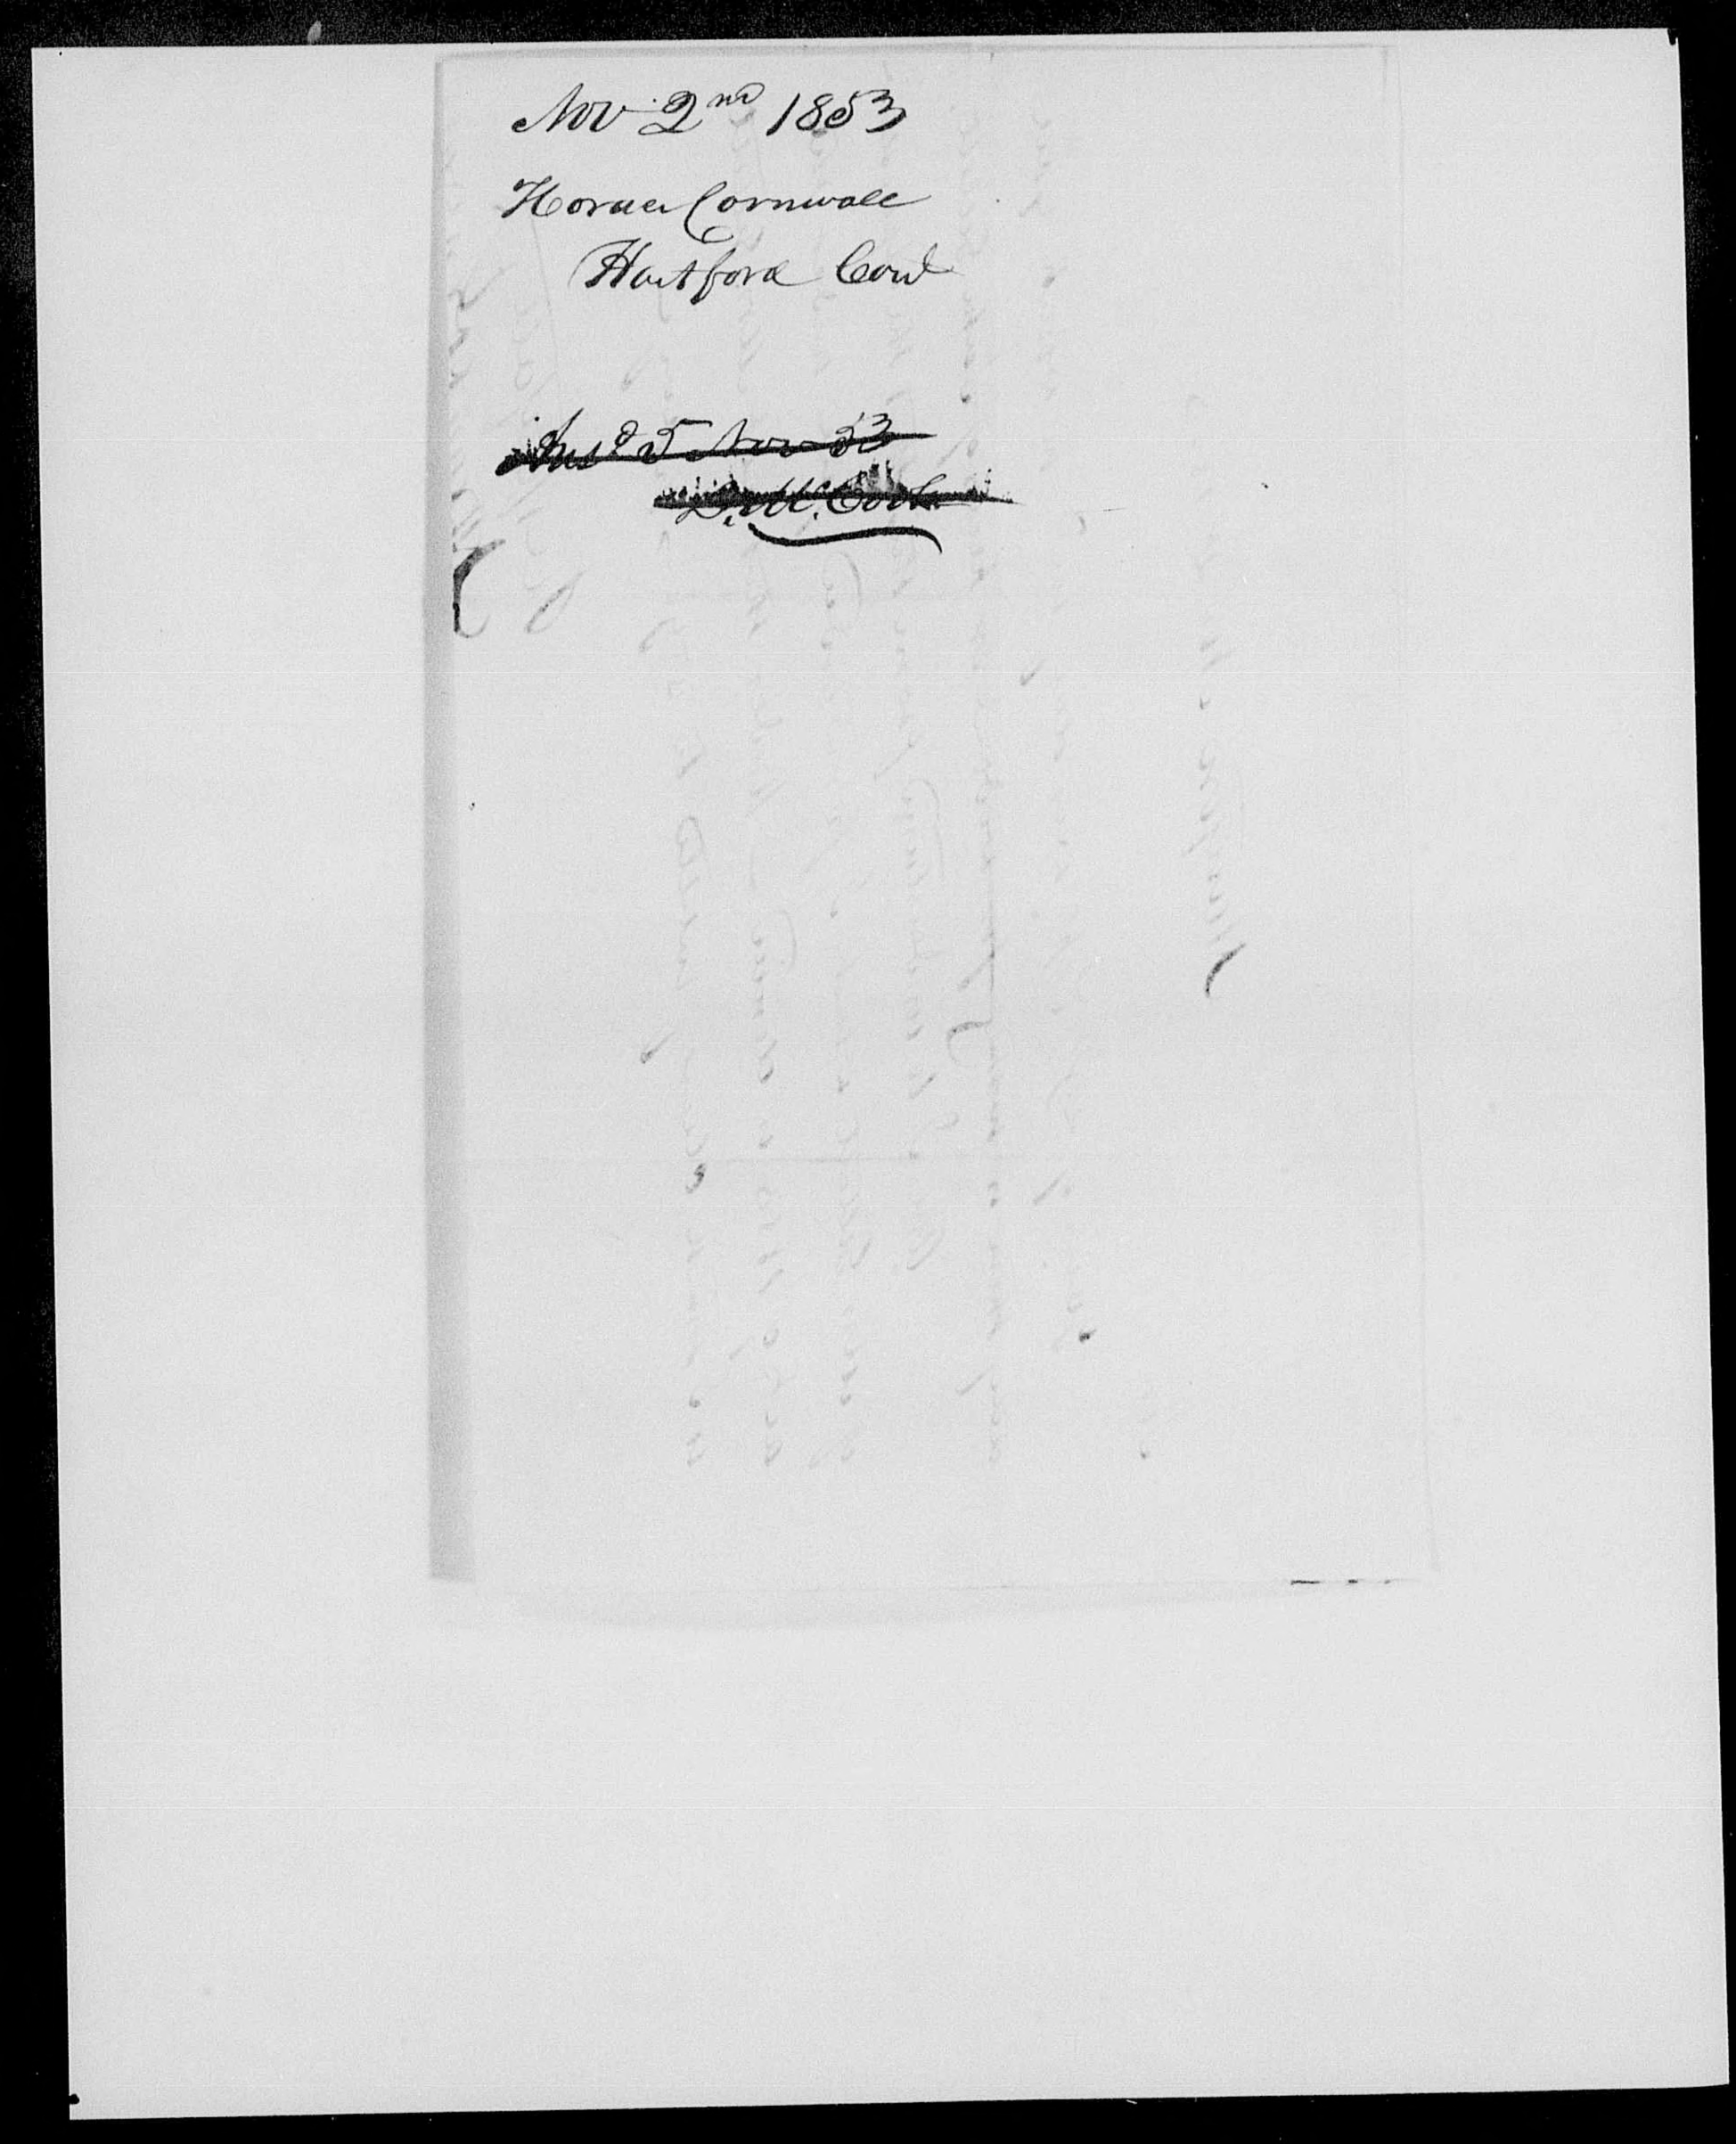Nov 2nd 1853
Norman Cornwall
Hartford Cont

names: D Mc Cook, Horace Cornwall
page: 23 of 40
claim: survivor's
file: S. 36,537 And R. 4034, John Gillet, Conn.